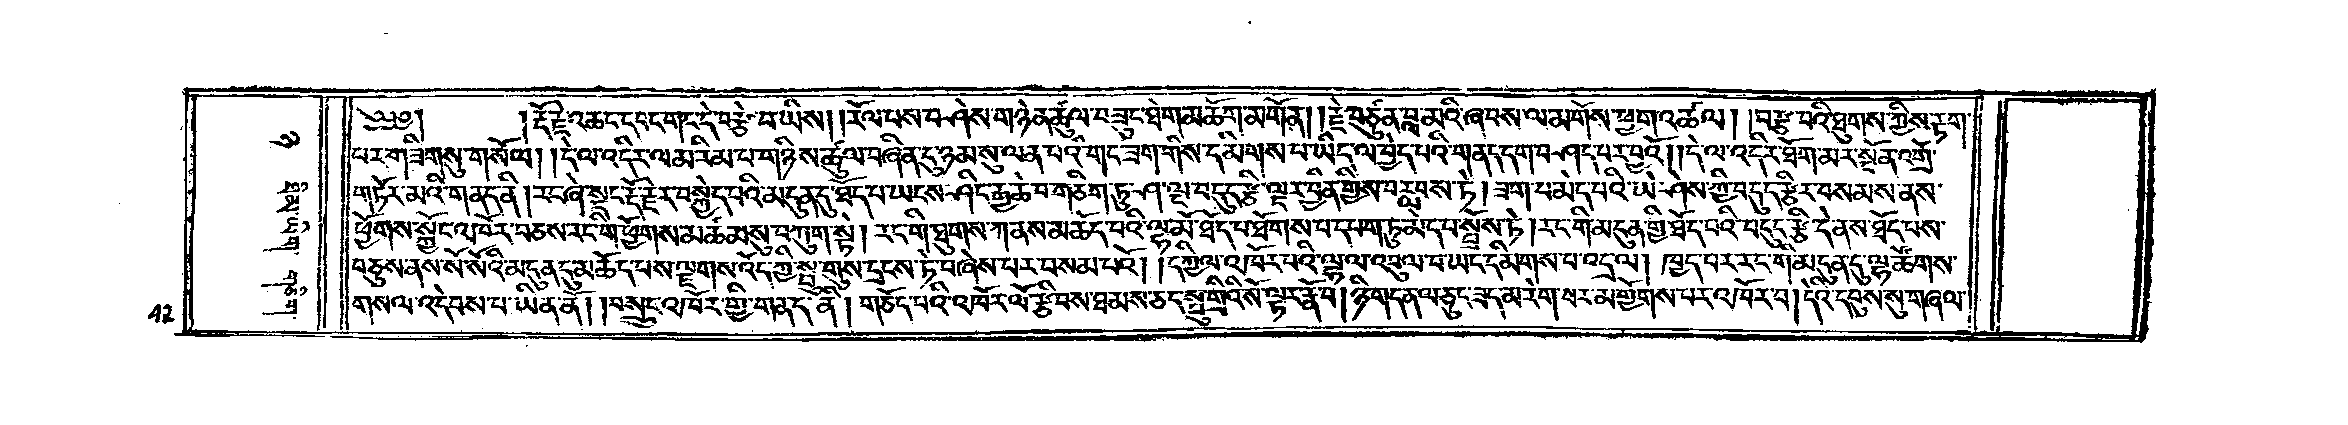༄༅༅། །རྡོ་རྗེ་འཆང་དབང་གང་དེ་བརྩེ་བ་ཡིས། །རོལ་པས་བཤེས་གཉེན་ཚུལ་བཟུང་ཐེག་མཆོག་མགོན། །རྗེ་བཙུན་བླ་མའི་ཞབས་ལ་མགོས་ཕྱག་འཚལ། །བརྩེ་བའི་ཐུགས་ཀྱིས་རྟག་
པར་གཟིགས་སུ་གསོལ། །དེ་ལ་འདིར་ལམ་རིམ་པ་གཉིས་ཚུལ་བཞིན་དུ་ཉམས་སུ་ལེན་པའི་གང་ཟག་གིས་དམིགས་པ་ཡིད་ལ་བྱེད་པའི་གནད་དག་བཤད་པར་བྱའོ། །དེ་ལ་འདིར་ཐོག་མར་སྔོན་འགྲོ་
གཏོར་མའི་གནད་ནི། རང་ཞེ་སྡང་རྡོ་རྗེར་བསྐྱེད་པའི་མདུན་དུ་ཐོད་པ་ཡངས་ཤིང་རྒྱ་ཆེ་བ་གཅིག་ཏུ་ཤ་ལྔ་བདུད་རྩི་ལྔར་བྱིན་གྱིས་བརླབས་ཏེ། ཟག་པ་མེད་པའི་ཡེ་ཤེས་ཀྱི་བདུད་རྩིར་བསམས་ནས་
ཕྱོགས་སྐྱོང་འཁོར་བཅས་རང་གི་ཕྱོགས་མཚམས་སུ་བཀུག་སྟེ། རང་གི་ཐུགས་ཀ་ནས་མཆོད་པའི་ལྷ་མོ་ཐོད་པ་ཐོགས་པ་དཔག་ཏུ་མེད་པ་སྤྲོས་ཏེ། རང་གི་མདུན་གྱི་ཐོད་པའི་བདུད་རྩི་དེ་ནས་ཐོད་པས་
བཅུས་ནས་སོ་སོའི་མདུན་དུ་མཆོད་པས་ལྗགས་འོད་ཀྱི་སྦུ་གུས་དྲངས་ཏེ་བཞེས་པར་བསམ་པའོ། །དཀྱིལ་འཁོར་པའི་ལྷ་ལ་འབུལ་བ་ཡང་དམིགས་པ་འདྲ་ལ། ཁྱད་པར་རང་གི་མདུན་དུ་ལྷ་ཚོགས་
གསལ་འདེབས་པ་ཡིན་ནོ། །བསྲུང་འཁོར་གྱི་གནད་ནི། གཅོད་པའི་འཁོར་ལོ་རྩིབས་ཐམས་ཅད་སྤུ་གྲིའི་སོ་ལྟར་རྣོ་བ། ཉི་གདན་ལ་ཅུང་ཟད་མ་རེག་པར་མགྱོགས་པར་འཁོར་བ། དེའི་དབུས་སུ་གཞལ་